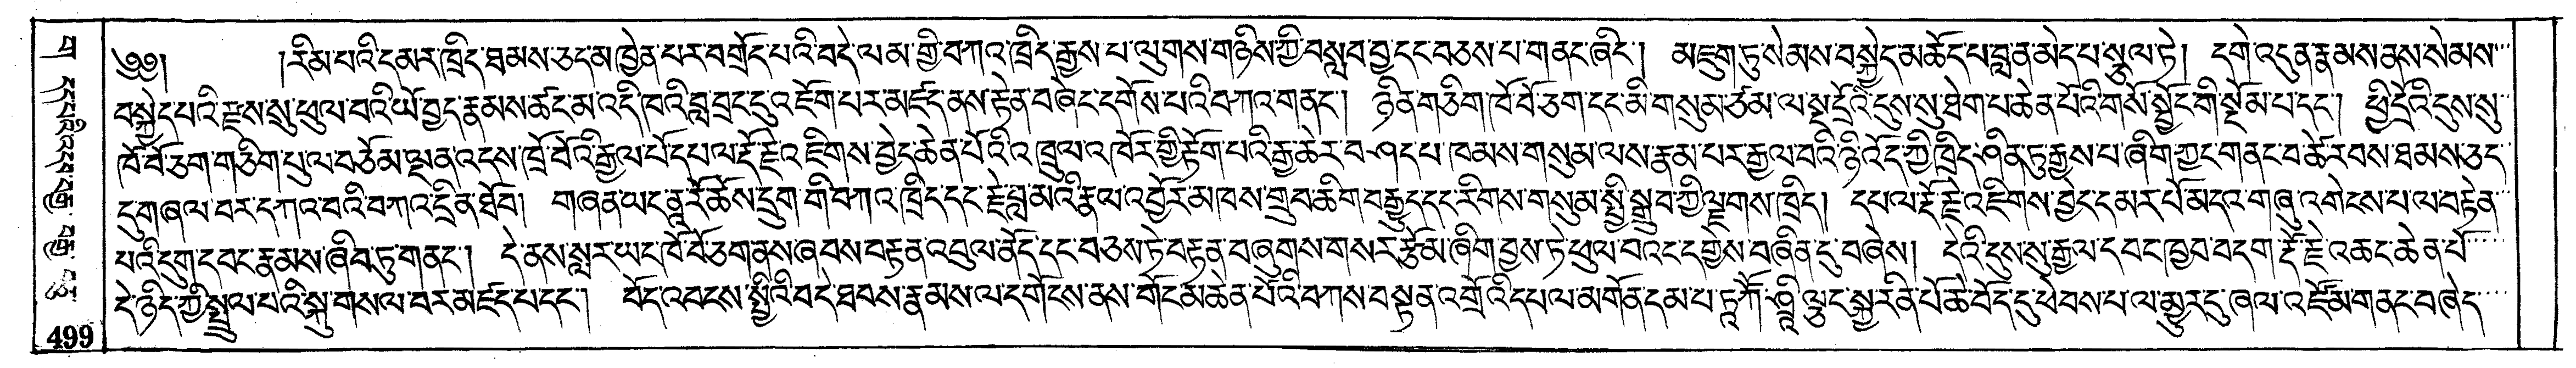༄༅། །རིམ་པའི་དམར་ཁྲིད་ཐམས་ཅད་མཁྱེན་པར་བགྲོད་པའི་བདེ་ལམ་གྱི་བཀའ་ཁྲིད་རྒྱས་པ་ལུགས་གཉིས་ཀྱི་བསླབ་བྱ་དང་བཅས་པ་གནང་ཞིང་། མཇུག་ཏུ་སེམས་བསྐྱེད་མཆོད་པ་བླ་ན་མེད་པ་སྩལ་ཏེ། དགེ་འདུན་རྣམས་ནས་སེམས་
བསྐྱེད་པའི་རྫས་སུ་ཕུལ་བའི་ཡོ་བྱང་རྣམས་ཚང་མ་འདི་ཁའི་བླ་བྲང་དུ་འཇོག་པར་མཛད་ནས་རྟེན་བཞེང་དགོས་པའི་བཀའ་གནང་། ཉིན་གཅིག་ཁོ་བོ་ཅག་དང་མི་གསུམ་ཙམ་ལ་སྔ་དྲོའི་དུས་སུ་ཐེག་པ་ཆེན་པོའི་གསོ་སྦྱོང་གི་སྡོམ་པ་དང་། ཕྱི་དྲོའི་དུས་སུ་
ཁོ་བོ་ཅག་གཅིག་པུ་ལ་བཅོམ་ལྡན་འདས་ཁྲོ་བོའི་རྒྱལ་པོ་དཔལ་རྡོ་རྗེ་འཇིགས་བྱེད་ཆེན་པོའི་འཁྲུལ་འཁོར་གྱི་རྟོག་པའི་རྒྱ་ཆེར་བཤད་པ་ཁམས་གསུམ་ལས་རྣམ་པར་རྒྱལ་བའི་ཉི་འོད་ཀྱི་ཁྲིད་ཤིན་ཏུ་རྒྱས་པ་ཞིག་ཀྱང་གནང་བ་ཚེ་རབས་ཐམས་ཅད་
དུ་གཞལ་བར་དཀའ་བའི་བཀའ་དྲིན་ཐོབ། གཞན་ཡང་ནཱ་རོ་ཆོས་དྲུག་གི་བཀའ་ཁྲིད་དང་རྗེ་བླ་མའི་རྣལ་འབྱོར་མཁས་གྲུབ་ཆིག་བརྒྱུད་དང་རིགས་གསུམ་སྤྱི་སྒྲུབ་ཀྱི་ལྗགས་ཁྲིད། དཔལ་རྡོ་རྗེ་འཇིགས་བྱེད་དམར་པོ་མདའ་གཞུ་འགེངས་པ་ལ་བརྟེན་
པའི་དུག་དབང་རྣམས་ཞིབ་ཏུ་གནང་། དེ་ནས་སླར་ཡང་ཁོ་བོ་ཅག་ནས་ཞབས་བརྟན་འབུལ་ནོད་དང་བཅས་ཏེ་བརྟན་བཞུགས་གསར་རྩོམ་ཞིག་བྱས་ཏེ་ཕུལ་བའང་དགྱེས་བཞིན་དུ་བཞེས། དེའི་དུས་སུ་རྒྱལ་དབང་ཁྱབ་བདག་རྡོ་རྗེ་འཆང་ཆེན་པོ་
དེ་ཉིད་ཀྱི་སྤྲུལ་པའི་སྐུ་གསལ་བར་མཛད་པ་དང་། བོད་འབངས་སྤྱིའི་བདེ་ཐབས་རྣམས་ལ་དགོངས་ནས་གོང་མ་ཆེན་པོའི་བཀས་བསྟན་འགྲོའི་དཔལ་མགོན་དམ་པ་ཏཱ་ཀཽ་ཤྲཱི་ལྕང་སྐྱ་རིན་པོ་ཆེ་བོད་དུ་ཕེབས་པ་ལ་མྱུར་དུ་ཞལ་འཛོམ་གནང་བཞེད་